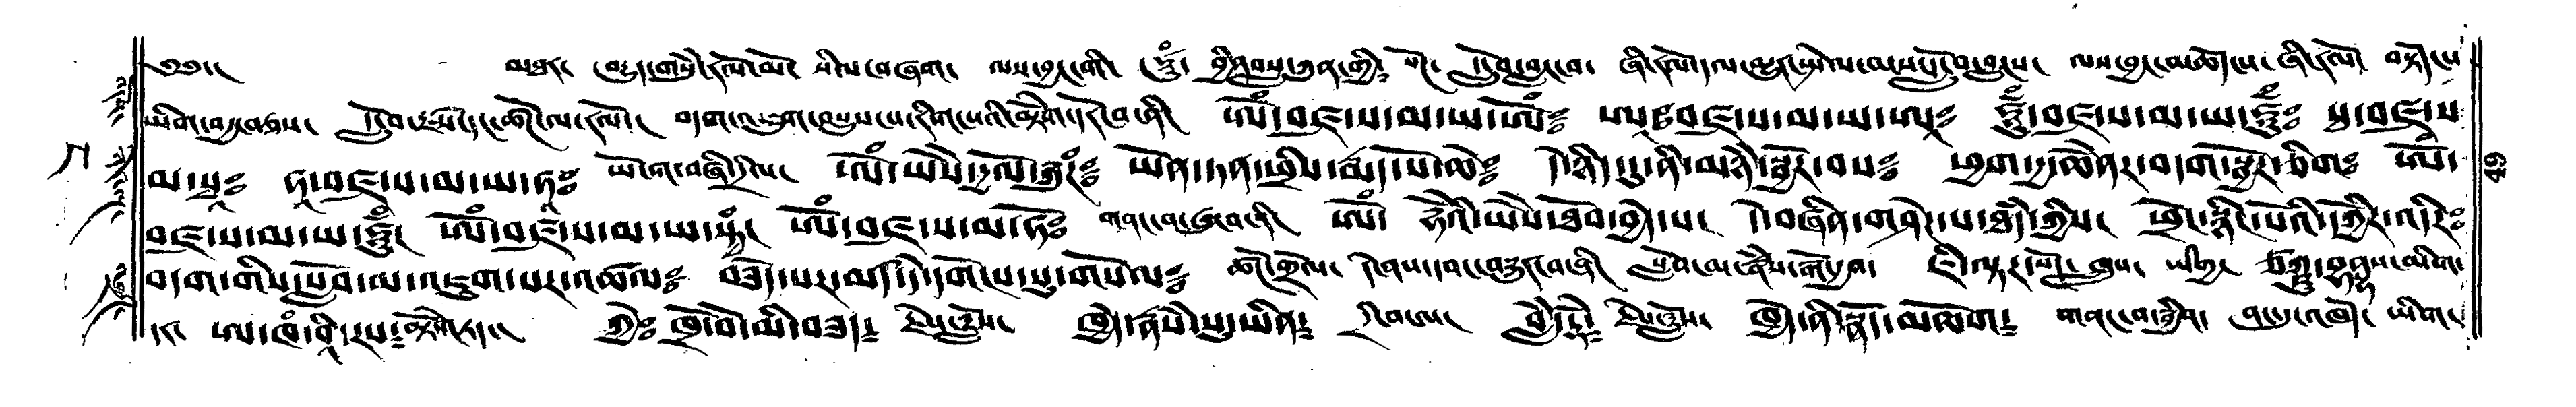མཐར། བརྒྱུད་གསུམ་རོལ་མོ། སིལ། བཞག ལས་བྱང་གི ཧཱུཾ། བྱིན་རླབས་ཀུན་གྱི༴ སོགས། དངོས་གྲུབ་བླང་བ། ཞི་རོལ་དལ་མྱུར་སྤེལ་མས་དངོས་གྲུབ་བླང་། ལས་བྱང་མཆོད་པ་ཞི་རོལ། བསྟོད་པ་
ཡིག་བརྒྱ་བཅས། དངོས་གྲུབ་རྫས་དང་ཚོགས་ལ་རོལ། བདག་འཇུག་བསྡུས་པ་རིག་པའི་མེ་ཏོག་དོར་བ་ནི། ཨོཾ་བཛྲ་ས་མ་ཡ་ཨོཾཿ ཨཱཿབཛྲ་ས་མ་ཡ་ཨཱཿ ཧཱུྃ་བཛྲ་ས་མ་ཡ་ཧཱུྃཿ སྭ་བཛྲ་ས་
མ་སྭཱཿ ཧཱ་བཛྲ་ས་མ་ཡ་ཧཱཿ ཡོ་ག་བཞི་དྲིལ། ཨོཾ་ཡེ་ཤེས་རྒྱལ་པོ་སྐུ་གསུང་ཐུགསཿ ཡོན་ཏན་ཕྲིན་ལས་རྨད་པོ་ཆེཿ དེ་ཉིད་དུ་ནི་མཉམ་སྦྱོར་བསཿ ཕྱག་རྒྱ་ཆེན་པོར་བདག་སྦྱོར་ཅིགཿ ཨོཾ་
བཛྲ་ས་མ་ཡ་ཧཱུྃཿ ཨོཾ་བཛྲ་ས་མ་ཡ་སྟྭཾཿ ཨོཾ་བཛྲ་ས་མ་ཧོཿ གནང་བ་ཞུ་བ་ནི། ཨོཾཿ རྡོ་རྗེའི་ཡེ་ཤེས་ཐོབ་བྱེད་པཿ དེ་བཞིན་གཤེགས་པ་ཐམས་ཅད་ཀྱིསཿ ཕོ་བྲང་སྙིང་པོའི་དཀྱིལ་འཁོར་འདིརཿ 
བདག་གི་སློབ་མ་འཇུག་པར་འཚལཿ བཟོད་པར་མཛད་དེ་དགོངས་སུ་གསོལཿ ཚོགས་གྲོལ། དེ་ནས་དབང་སྐུར་བ་ནི། སློབ་མ་རྣམས་སྒོ་རྒྱབ། ཇི་ལྟར་སོགས། ཁྲུས། ཡིག་བརྒྱ། ཙཀྵུ་བྷནྡྷ ས་མིག་
དར། ཨ་ཁཾ་བཱི་རས༴ མེ་ཏོག་གཏད། ཀྱེཿ ཁྲོ་བོ་མི་བཟད༴ རྗེས་ཟློས། ཁྱེད་རྣམས་སུ་ཡིན༴ དྲི་བ་ལ། བླ་མ་རྡོ་རྗེ༴ རྗེས་ཟློས། ཁྱོད་ནི་སྣོད་མཆོག༴ གནང་བ་སྦྱིན། ནང་དུ་འཁོད། ཡིག་བརྒྱ།